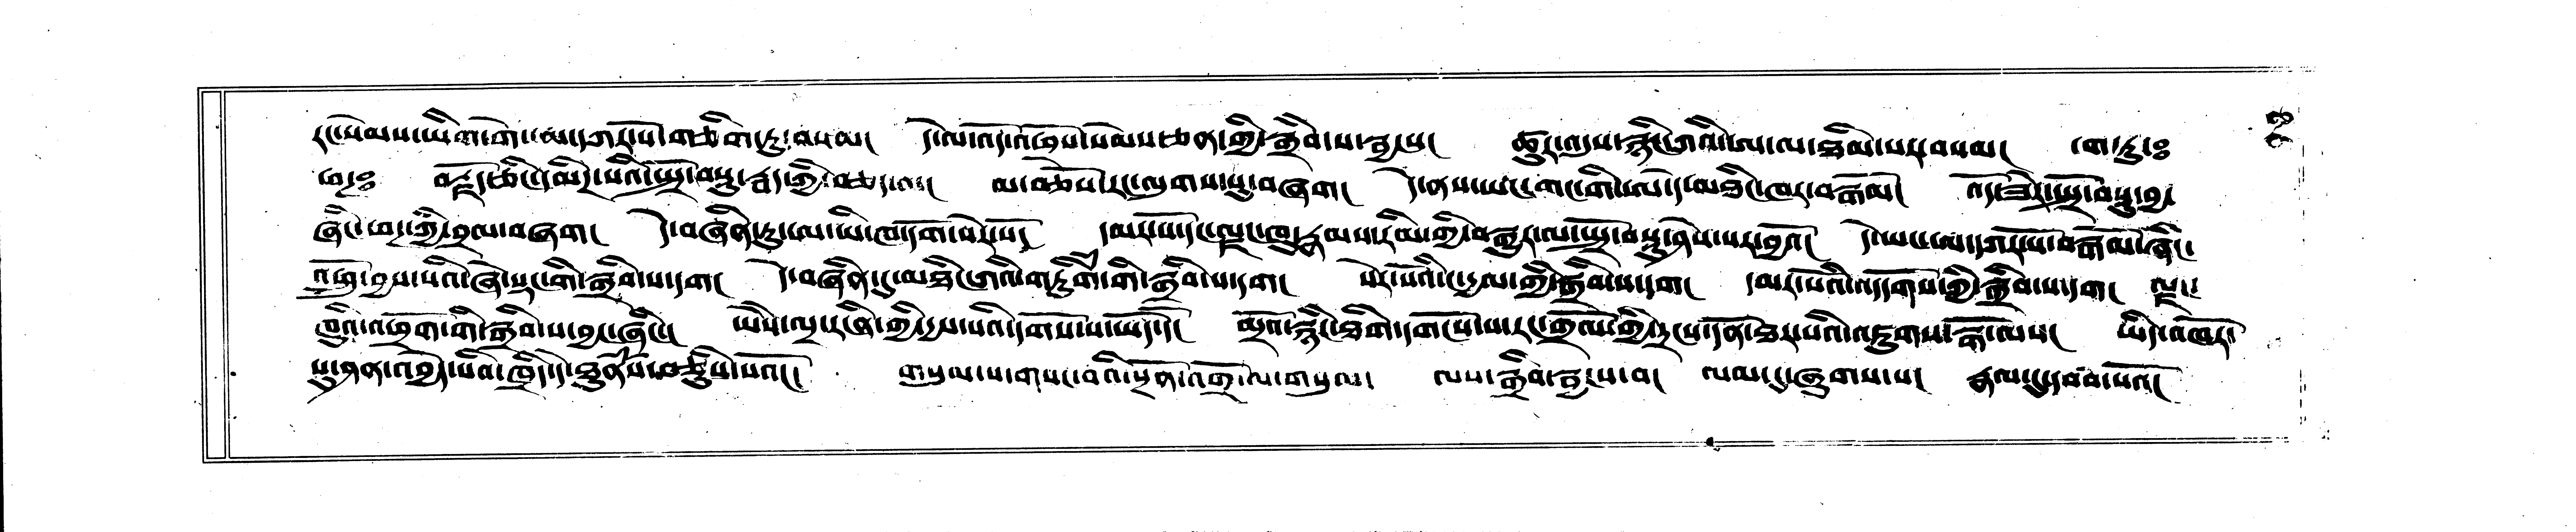རང་སེམས་ཡི་གེ་ཨ་དཀར་པོ་ཅིག་ཏུ་བསམ། དེ་ལ་འོད་འཕྲོས་སེམས་ཅན་གྱི་སྒྲིབ་པ་སྦྱངས། ཚུར་འདུས་སྙིང་གའི་ཨ་ལ་ཐིམ་པར་བསམ། ངག་ཏུ་
ཕཊཿ བརྗོད་ཅིང་དམིགས་པའི་སྤྲོ་བསྡུ་རྦད་ཀྱིས་བཅད་ལ། མ་བཅོས་རང་ལུགས་སུ་བཞག དེ་ནས་ཡང་གང་གི་ཨ་དེ་མཐིང་ཁར་བསྒོམ། འོད་ཟེར་སྤྲོ་བསྡུ་བྱ་
ཞིང་ཕཊ་ཀྱི་བྲལ་བཞག དེ་བཞིན་དུ་ཨ་ཡི་ཁ་དོག་སེར་པོ། དམར་པོ་དང་ལྗང་ཁུ་རྣམས་རིམ་གྱིས་བསྒྱུར་ལ་སྤྲོ་བསྡུ་ཤེས་པར་བྱའོ། །དེ་ཡང་ཨ་དཀར་པོ་བསྒོམ་ཞིང་
འཕྲོ་འདུ་བྱས་པའི་ཞེ་སྡང་གི་སྒྲིབ་པ་དག དེ་བཞིན་དུ་མཐིང་ཀས་གཏི་མུག་གི་སྒྲིབ་པ་དག སེར་པོས་ང་རྒྱལ་གྱི་སྒྲིབ་པ་དག དམར་པོས་འདོད་ཆགས་ཀྱི་སྒྲིབ་པ་དག ལྗང་
ཁུའི་ཕྲག་དོག་གི་སྒྲིབ་པ་བྱང་ཞིང་། ཡེ་ཤེས་ལྔ་རང་བཞིན་གྱིས་རྒྱས་པའི་དགོས་པ་ཡོད་དོ། །མཁའ་འགྲོ་སྙིང་ཐིག་དགོངས་པ་རང་གྲོལ་གྱི་དྲང་དོན་ཐར་པའི་འཇུག་སྒོ་ལས། ཡིད་འཁོར་
འདས་རུ་ཤན་འབྱེད་པའི་ཁྲིད་དེ་ཐུན་མཚམས་བཅུ་གཉིས་པའོ།། །།གསུམ་པ་གསང་བའི་སྔོན་འགྲོ་ལ་གསུམ། ལས་སྒྲིབ་སྦྱང་བ། ལམ་དུ་ཞུགས་པ། རྣལ་དུ་དབབ་པའོ། །